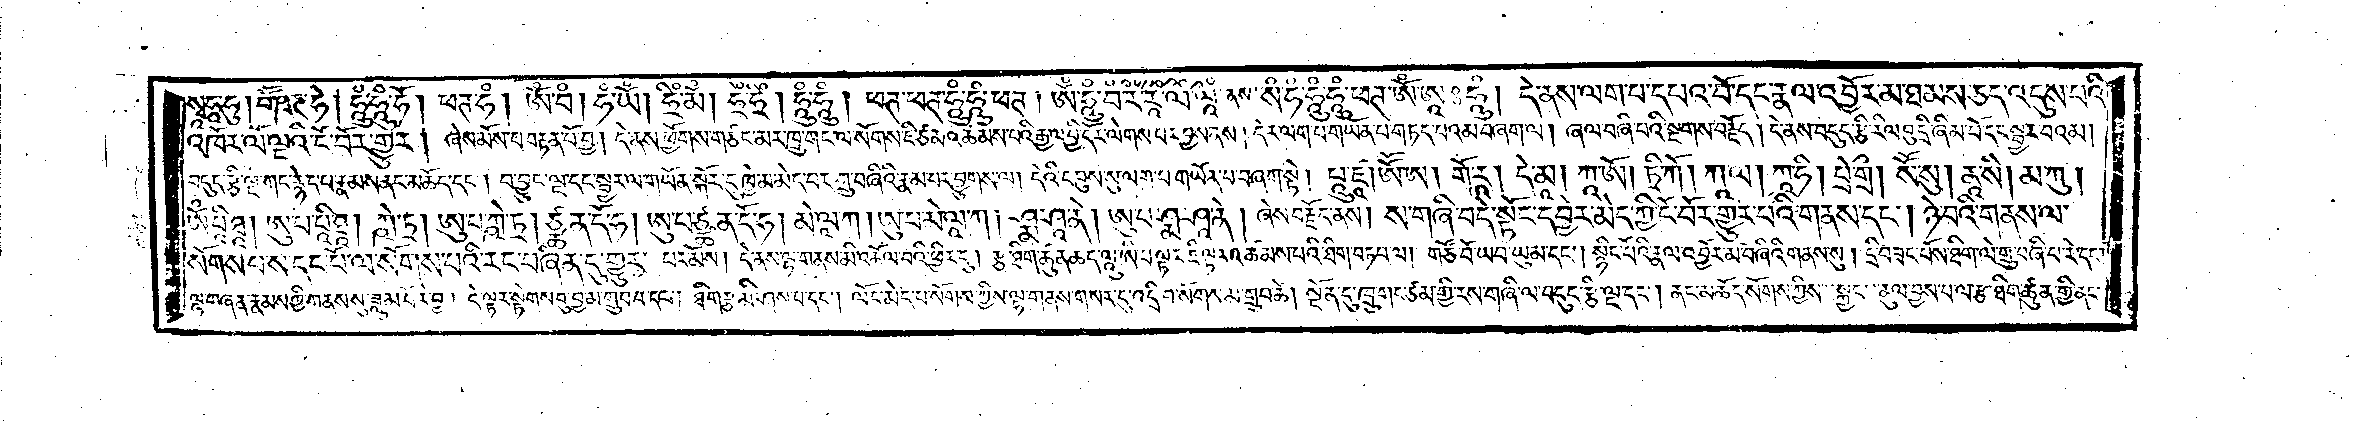སྭཱཧཱ་ཧུ། བཽཥཎ་ཧེ། ཧཱུཾ་ཧཱུཾ་ཧོ། ཕཊ་ཧཾ། ཨོཾ་བཾ། ཧཾ་ཨོཾ། ཧྲིཾ་མཾ། ཧྲཾ་ཧྲིཾ་ཧཱུཾ་ཧཱུཾ། ཕཊ་ཕཊ་ཧཱུཾ་ཧཱུཾ་ཕཊ། ཨོཾ་ཧཱུཾ་བར་རཱཾ་ལཾ་ལའཾ་ནས་སཾ་ཧཾ་ཧཱུཾ་ཧཱུཾ་ཕཊ་ཨོཾ་ཨཱཿཧཱུཾ། དེ་ནས་ལག་པ་དཔའ་བོ་དང་རྣལ་འབྱོར་མ་ཐམས་ཅད་འདུས་པའི་
འཁོར་ལོ་ལྔའི་ངོ་བོར་གྱུར། ཞེས་མོས་པ་བརྟན་པོ་བྱ། དེ་ནས་ཕྱོགས་གཙང་མར་ཁྲུ་གང་ལ་སོགས་ཇི་ཙམ་འཚམས་པའི་རྒྱལ་བྱི་དོར་ལེགས་པར་བྱས་ནས། དེར་ལག་པ་གཡོན་པ་གཏད་པའམ་བཞག་ལ། ཞལ་བཞི་པའི་སྔགས་བརྗོད། དེ་ནས་བདུད་རྩི་རིལ་བུ་དྲི་ཞིམ་པོ་དང་སྦྱར་བའམ།
བདུད་རྩི་ལྔ་གང་རྙེད་པ་རྣམས་ནང་མཆོད་དང་། བ་བྱུང་ལྔ་དང་སྦྱར་ལ་གཡོན་སྐོར་དུ་ཁྱེ?་མ་མེད་བར་གྲུ་བཞིའི་རྣམ་པར་བྱུགས་ལ། དེའི་དབུས་སུ་ལག་པ་གཡོན་པ་བཞག་སྟེ། པཱུ་ཛཱ། ཨཽ་ཨ། གོ་རཱ། དེ་མཱ། ཀཱ་ཨོ། ཏྲི་ཀོ། ཀཱ་ལ། ཀཱ་ཧི། པྲིགྲྀ། སཽ་སུ། ནཱ་སི། མ་ཀུ།
ཨོཾ་པཱི་ཐཱ། ཨུ་པ་པཱི་ཐཱ། ཀྵེ་ཏྲ། ཨུ་པ་ཀྵེ་ཏྲ། ཙྪན་དོ་ཧ། ཨུ་པ་ཙྪན་དོ་ཧ། མེ་ལཱ་ཀ། ཨུ་པ་མེ་ལཱ་ཀ། ཤྨ་ཤཱ་ནེ། ཨུ་པ་ཤྨ་ཤཱ་ནེ། ཞེས་བརྗོད་ནས།  ས་གཞི་བདེ་སྟོང་དབྱེར་མེད་ཀྱི་ངོ་བོར་གྱུར་པའི་གནས་དང་། ཉེ་བའི་གནས་ལ་
སོགས་པ་ས་དང་པོ་ལ་སོགས་པའི་རང་བཞིན་དུ་གྱུར་པར་མོས། དེ་ནས་ལྷ་གནས་མི་འཆོལ་པའི་ཕྱིར་དུ། རྩ་ཐིག་ཚུན་ཆད་ལཱུ་ཨི་པ་ལྟར་ཇི་ལྟར་འཚམས་པའི་ཐིག་བཏབ་ལ། གཙོ་བོ་ཡབ་ཡུམ་དང་། སྙིང་པོའི་རྣལ་འབྱོར་མ་བཞིའི་གནས་སུ། དྲི་བཟང་པོས་ཐིག་ལེ་གྲུ་བཞི་པ་རེ་དང་
ལྷ་གཞན་རྣམས་ཀྱི་གནས་སུ་ཟླུམ་པོ་རེ་བྱ། དེ་ལྟར་སྟེགས་བུ་བྱམ་གྲུབ་བ་དང་། ཐིག་རྩ་མིག་ཤས་པ་དང་། ལོང་མེད་པ་སོས་ཀྱིས་ལྷ་གནས་གསར་དུ་འདི་བ་སོགས་མ་གྲུབ་ཚེ། སྔོན་དུ་ཁྲུ་གང་ཙམ་གྱི་རས་གཞི་ལ་བདུད་རྩི་ལྔ་དང་། ནང་མཆོད་སོགས་ཀྱིས་་་སྐྱང་་་ནུལ་བྱས་པ་ལ་རྩ་ཐིག་ཚུན་གྱི་ནང་